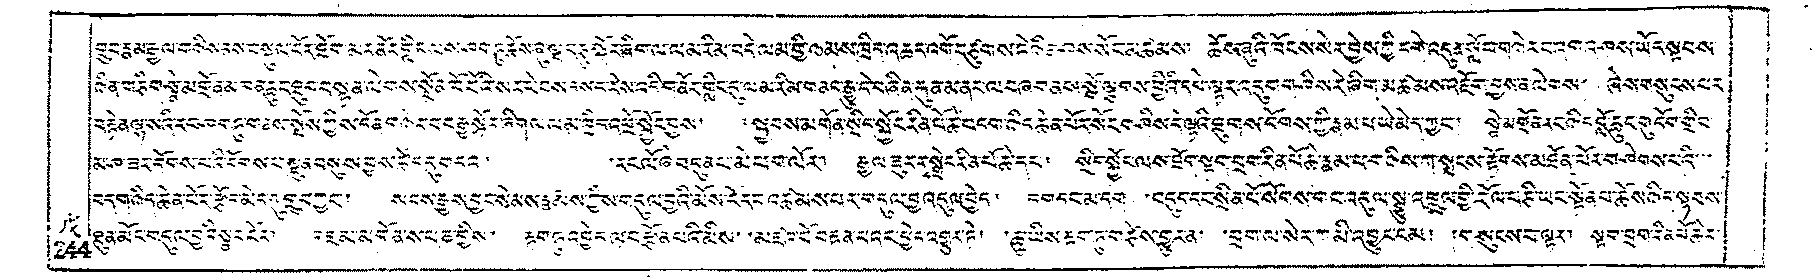གྲུབ་རྣམ་རྒྱལ་གཉིས་ནས་བསྐུལ་ངོར་ཐོག་མར་ནོར་གླིང་ལས་ཤག་ཏུ་ཆོས་ཞུ་ལྔ་བཅུ་སྐོར་ཞིག་ལ་ལམ་རིམ་བདེ་ལམ་གྱི་ཉམས་ཁྲིད་འཆད་འགོ་བཙུགས་ཏེ་ཉིན་ཤས་སོང་མཚམས། ཆོས་ཞུའི་ཁོངས་སེར་བྱེས་ཀྱི་དགེ་འདུན་སློབ་གཉེར་བ་འགའ་ཤས་ཡོད་སྟབས་
ཉིན་གཅིག་སྣེ་མགྲོན་མཁན་ཆུང་ཐུབ་བསྟན་ལེགས་སྨོན་ཁོ་བོའི་སར་ཕེབས་ནས་ད་རེས་འདི་ག་ནོར་གླིང་དུ་ལམ་རིམ་གནང་རྒྱུ་དེ་བཞིན་རྐུན་མ་ནང་ལ་བཞག་ནས་སྒོ་ལྕགས་ཕྱིའི་དཔེ་ལྟར་འདུག་གཤིས་རེ་ཞིག་མཚམས་འཇོག་བྱས་ན་ལེགས། ཞེས་གསུངས་པར་
བརྟེན་ལྷ་སའི་རང་ཤག་ཏུ་གནས་སྤོས་ཀྱིས་དོན་གཉེར་བ་བརྒྱ་སྐོར་ཞིག་ལ་ལམ་ཁྲིད་འཕྲོ་སྐྱོང་བྱས། ༧སྐྱབས་མགོན་སྲིད་སྐྱོང་རིན་པོ་ཆེ་བདག་ཉིད་ཆེན་པོར་སོང་གཤིས་དེ་ལྟའི་ཐུགས་དོགས་ཀྱི་རྣམ་པ་ཡེ་མེད་ཀྱང་། སྣེ་མགྲོན་རང་ཉིད་བློ་ཆུང་གུ་དོག་གྲིབ་
མ་ཤ་ཟར་དོགས་པའི་དོགས་པ་སྡུན་བསུས་བྱས་ཚོད་དུ་གདའ། །རང་ལོ་ཞེ་བདུན་པ་མེ་ཕག་ལོར། རྒྱལ་ཟུར་རྭ་སྒྲེང་རིན་པོ་ཆེ་དང་། སྲིད་སྐྱོང་ལས་ཐོག་སྟག་བྲག་རིན་པོ་ཆེ་རྣམ་པ་གཉིས་ཀ་སྤངས་རྟོགས་མཐོན་པོར་གཤེགས་པའི་
བདག་ཉིད་ཆེན་པོར་རྩོད་མེད་དུ་གྲུབ་ཀྱང་། སངས་རྒྱས་བྱང་སེམས་རྣམས་ཀྱིས་གདུལ་བྱའི་མོས་ངོ་དང་འཚམས་པར་གདུལ་བྱ་འདུལ་བྱེད། དག་དང་མ་དག །བདུད་དང་སྲིན་པོ་སོགས་གང་འདུལ་སྒྱུ་འཕྲུལ་གྱི་རོལ་པ་ཅི་ཡང་སྟོན་པ་ཆོས་ཉིད་སྟབས་
ཐུན་མོང་གདུལ་བྱའི་སྣང་ངོར། འཇམ་མགོན་ས་པཎ་གྱིས། རྟག་ཏུ་འབྱེད་ལ་བརྩོན་པའི་མིས། །མཛའ་བོ་བརྟན་པའང་ཕྱེད་འགྱུར་ཏེ། །ཆུ་ཡིས་རྟག་ཏུ་གཙེས་གྱུར་ན། །བྲག་ལ་སེར་ཀ་མི་འབྱུང་ངམ། །གསུངས་པ་ལྟར། སྟག་བྲག་རིན་པོ་ཆེར་